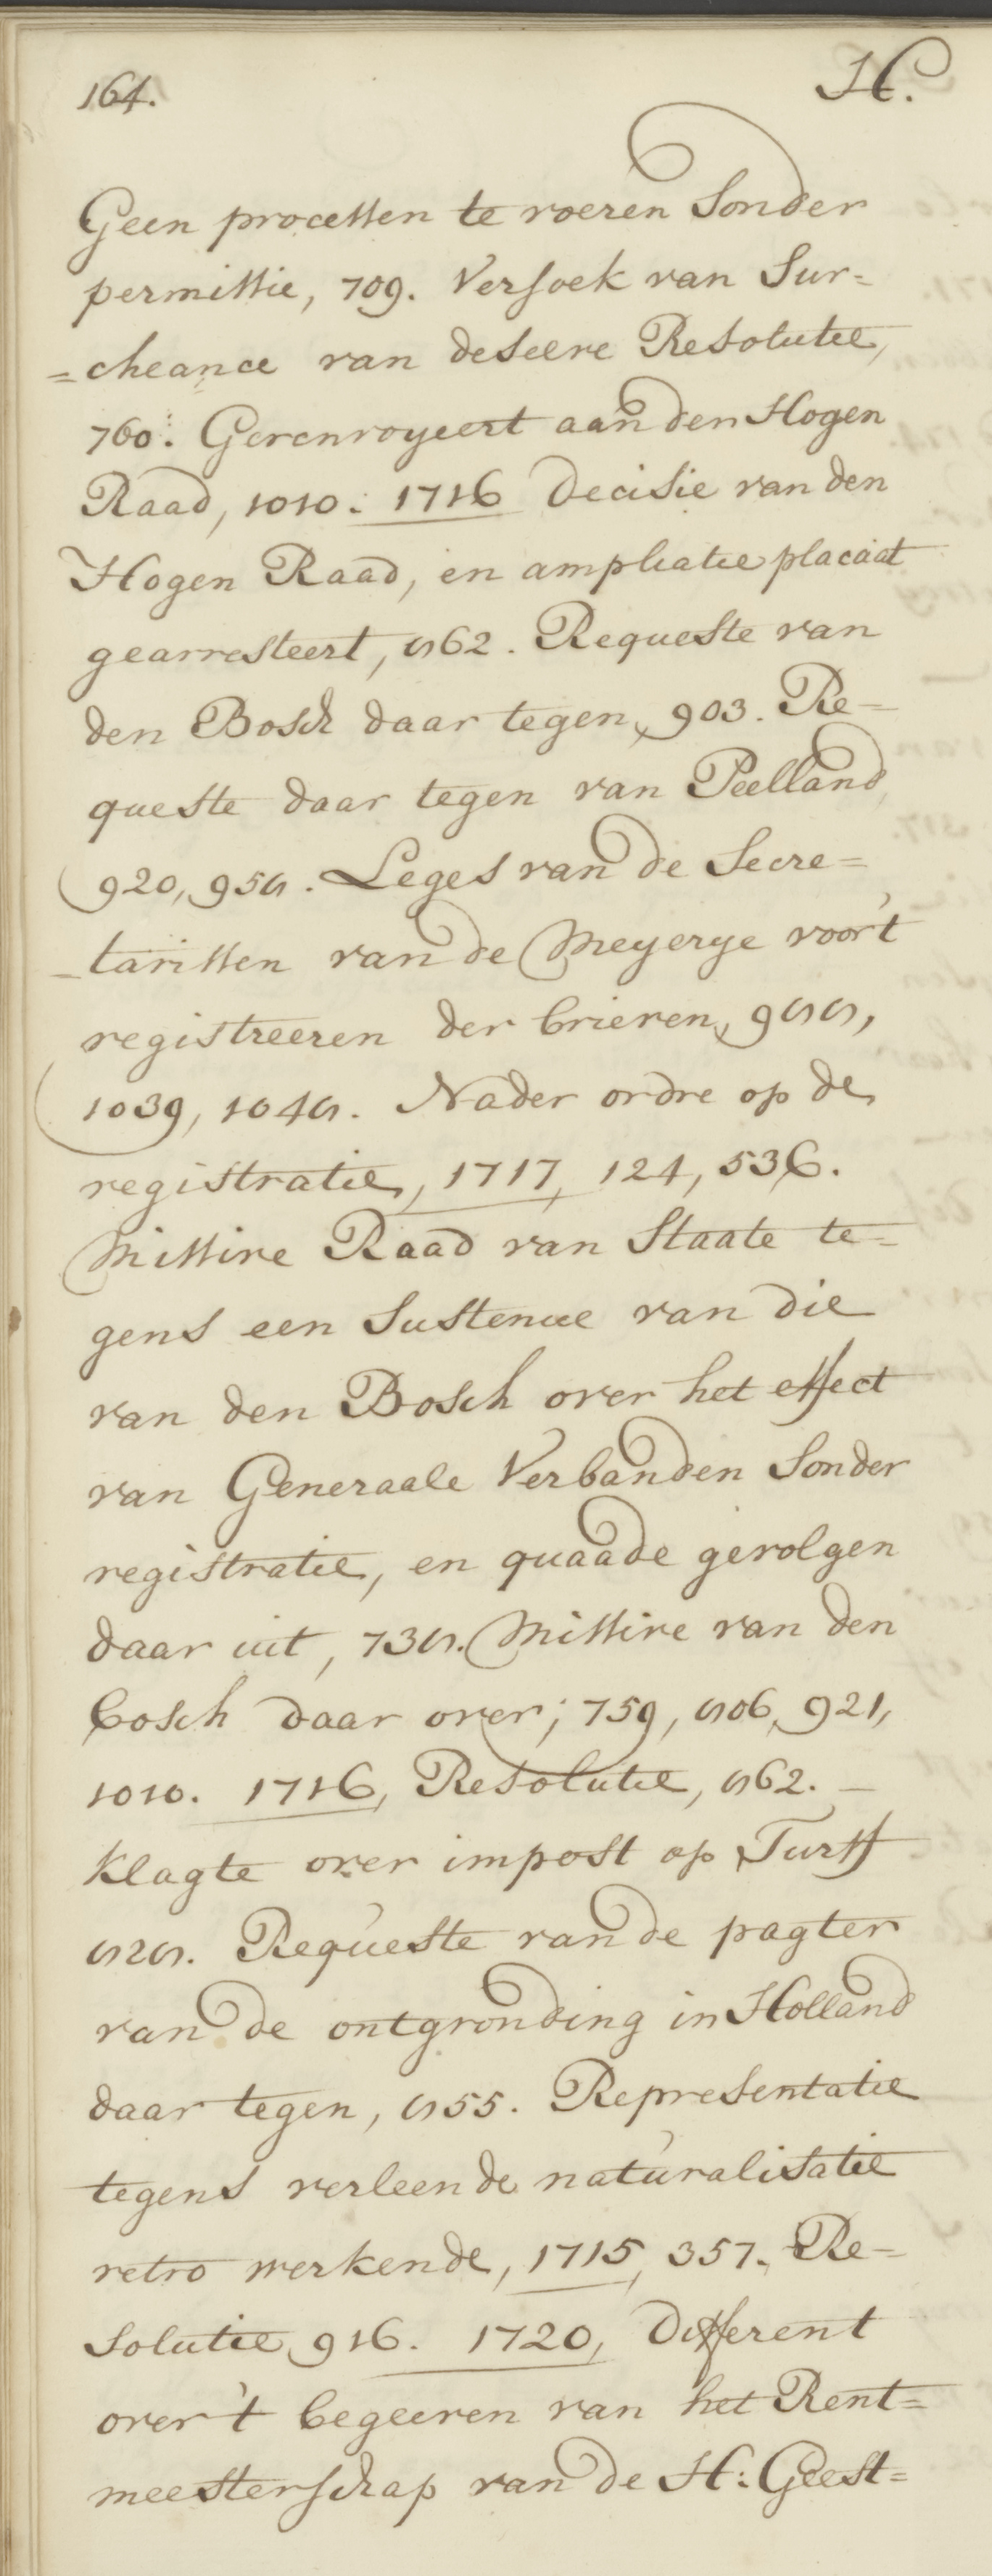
164.
H.
Geen processen te voeren sonder
permissie, 709. Versoek van sur„
„cheance van deselve Resolutie,
760. Gerenvoyeert aan den Hogen
Raad, 1010; 1716 decisie van den
Hogen Raad, en ampliatie placaat
gearresteert, 862. Requeste van
den Bosch daar tegen, 903. Re„
queste daar tegen van Peelland,
920, 958. Leges van de secre=
„tarissen van de Meyerye voort
registreeren der brieven, 988,
1039, 1048. Nader ordre op de
registratie, 1717, 124, 536.
Missive Raad van Staate te„
gens een sustencie van die
van den Bosch over het effect
van Generaale Verbanden sonder
registratie, en quaade gevolgen
daar uit, 738. Missive van den
bosch daar over; 759, 806, 921,
1010. 1716, Resolutie, 862.
Klagte over impost op Turff
828. Requeste van de pagter
van de ontgronding in Holland
daar tegen, 855. Representatie
tegens verleende naturalisatie
retro werkende, 1715, 357. Re„
solutie 916. 1720, different
over 't begeeven van het Rent=
meesterschap van de H: Geest=
